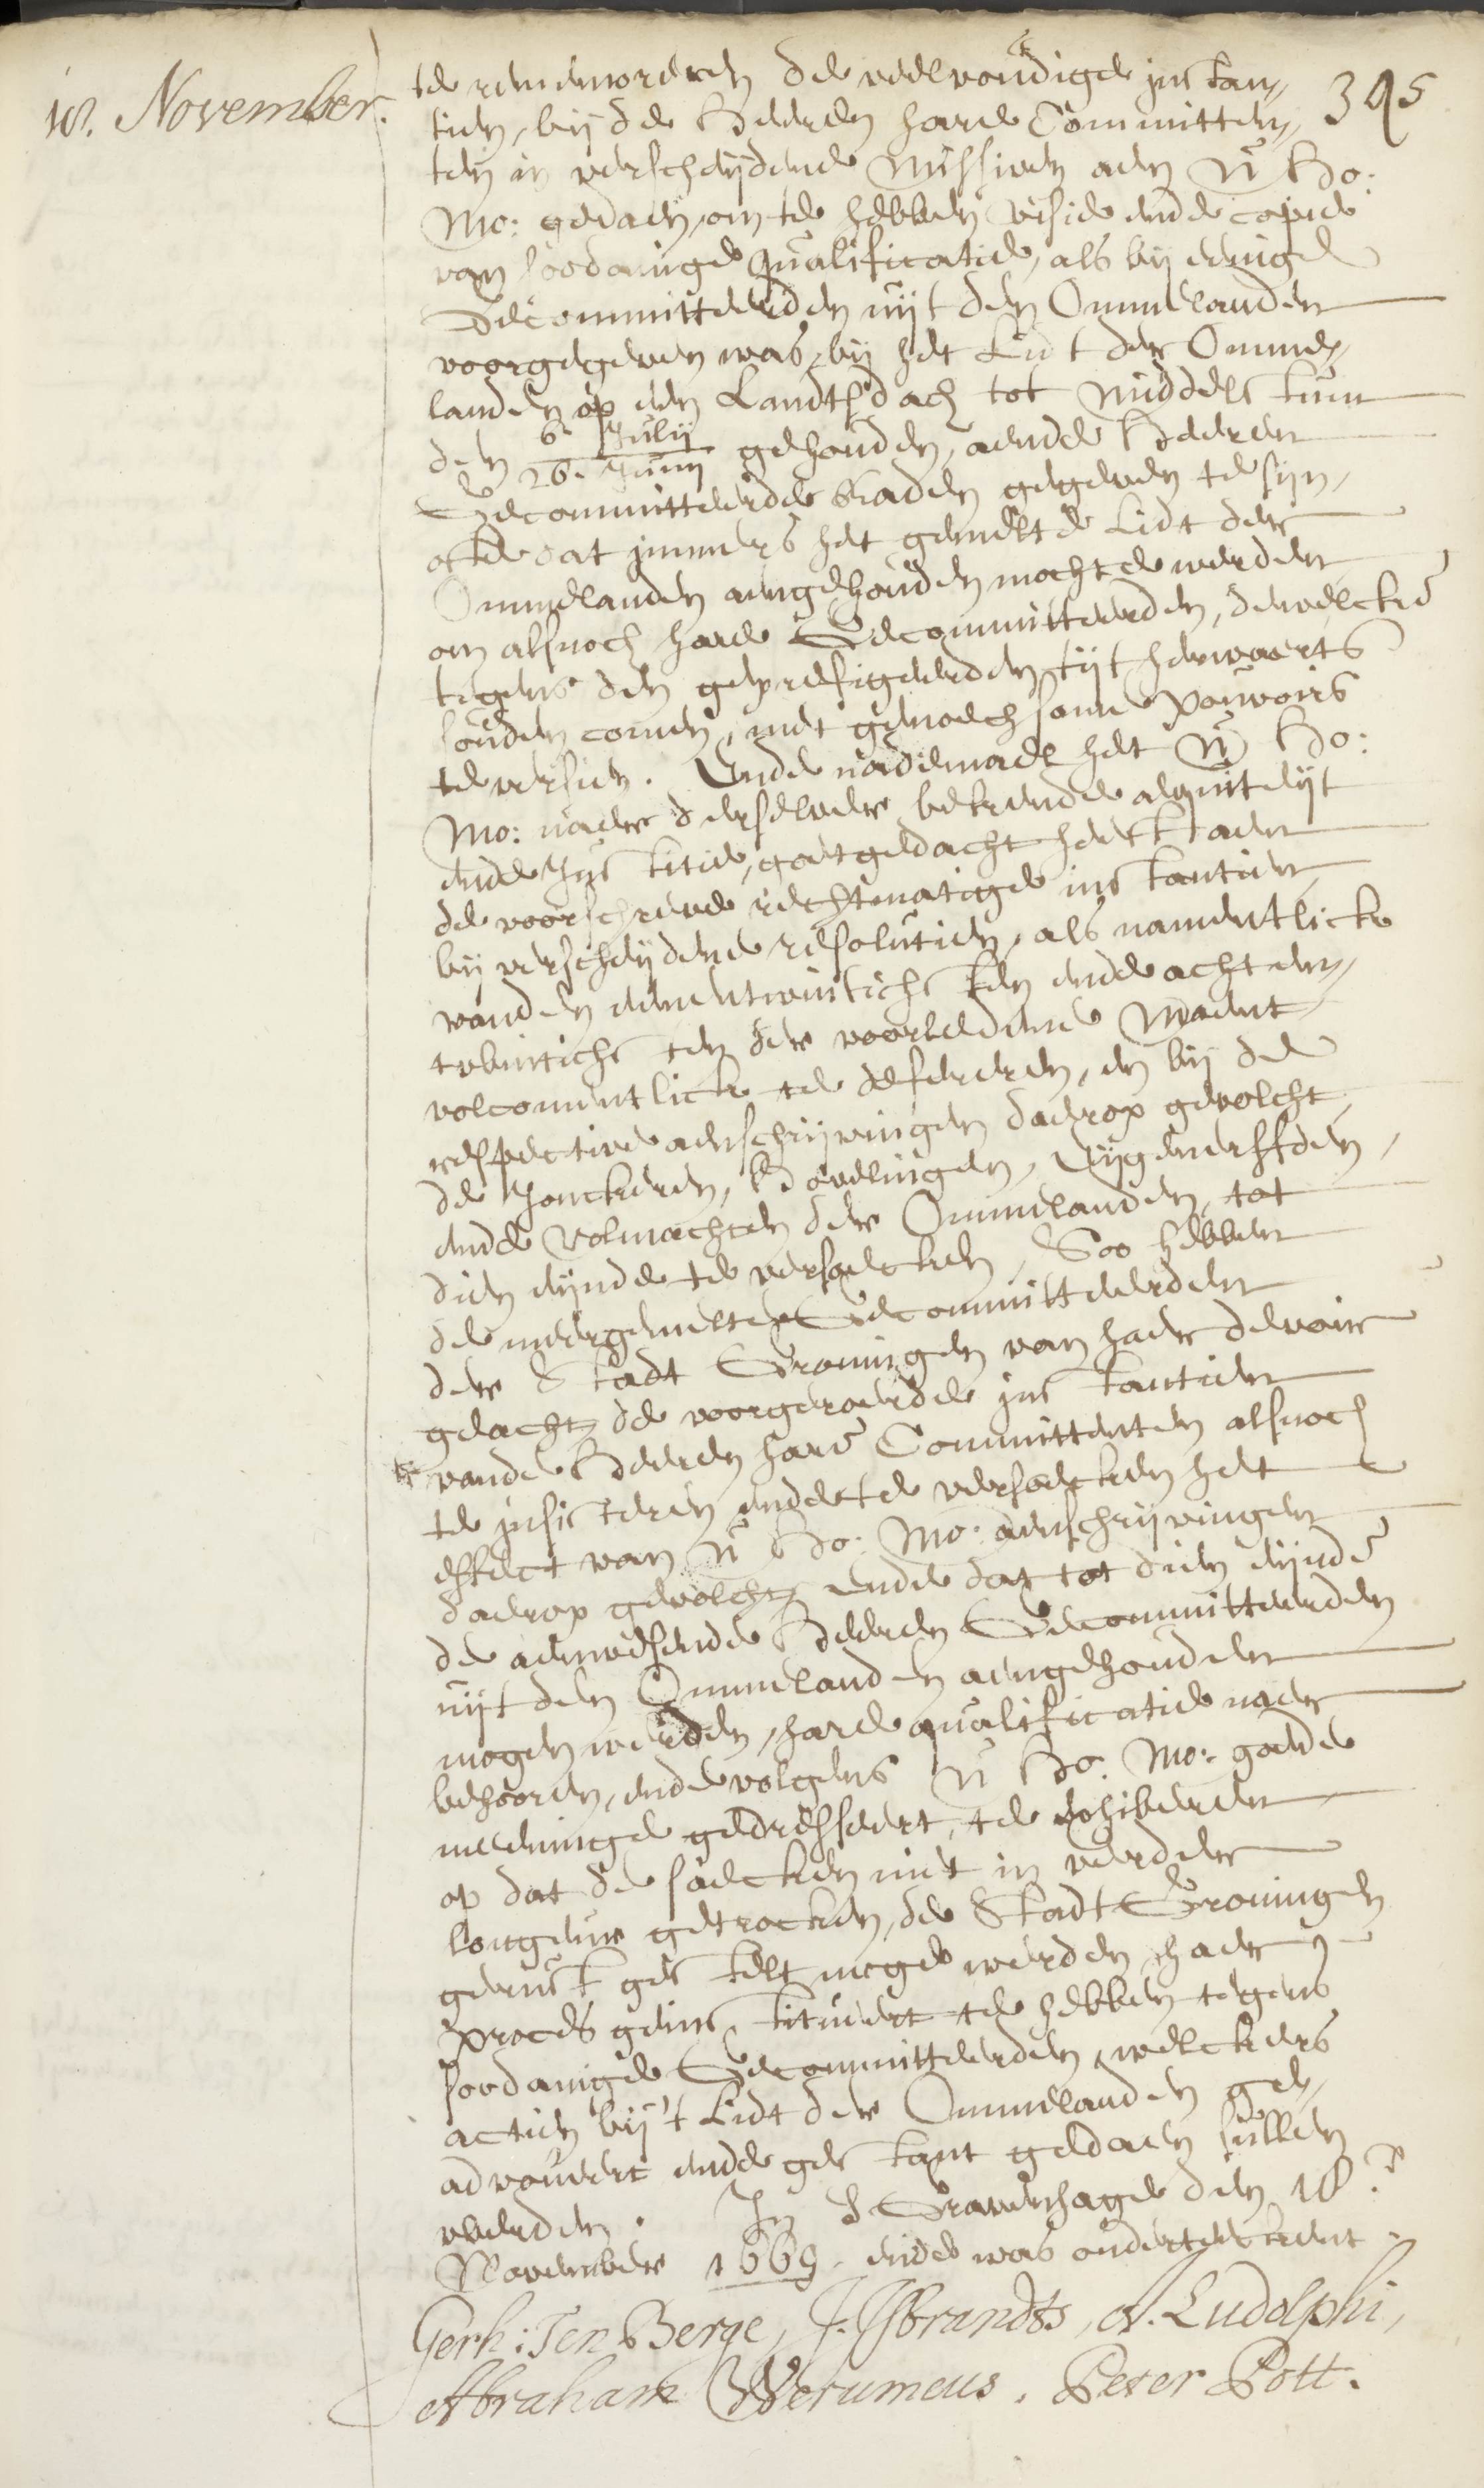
395
18. November.
te rememoreren de veelvoudige instan„,
tien, bij de Heeren hare Committen,,
ten in verscheijdene missiven aen U. Ho:
Mo: gedaen, om te hebben visie ende copie
van soodanige qualificatie, als bij eenige
Gecommitteerden uijt den Ommelanden
voorgegeven was, bij het Lidt der Omme„
landen op een Landtsdach tot Middelstum
den 6. Julij/26. Juny gesonden, aende Heeren
Gecommitteerde Raden gegeven te sijn,
ofte dat immers het gemelte Lidt der
Ommelanden aengehouden mochte werden
om alsnoch hare Gecommitteerden, dewelcke
tegen den geprefigeerden tijt herwaerts
souden comen, met genoech sonne Pouvoirs
te versien. Ende nademael het U. Ho:
Mo: naer derselver bekende alnuiteijt
ende Justitie, goetgedacht heeft aen
de voorschreve rechtmatige instantien
bij verscheijdene resolutien, als namentlick
vanden eenentwintichsten ende achten„
twintichsten der voorledene maent
volcomentlick te defereren, en bij de
respective aenschrijvingen daerop gevolcht
de Jonckeren, Hovelingen, Eijgenerffden,
ende volmachten der Ommelanden tot
dien eijnde te versoecken, Soo hebben
de meergemelte gecommitteerden
der Stadt Groningen van haer devoir
geacht, de voorgeroerde instantien
t vande Heeren hare Committenten alsnoch
te insisteren, ende te versoecken het
effect van U. Ho:Mo: aenschrijvingen
daerop gevolcht ende dat tot dien eijnde
de aenwesende Heeren Gecommitteerden
uijt den Ommelanden aengehouden
mogen werden, hare qualiticatie naer
behooren, ende volgens U Ho:Mo: goede
meeninge gedresseert, te exhiberen
op dat de saecken met in verder
longeur getrocken, de Stadt Groningen
gerust gestelt moge werden, haer
Proces geinstitueert te hebben tegens
soodanige Gecommitteerden welckers
actien bij 't Lidt der Ommelanden ge„,
advoueert ende gestant gedaen sullen
werden. In 's Gravenhage den 18e.
November 1669 ende was onderteeckent
Gerh: Ten Berge, I. Isbrandts, A. Ludolphi,
Abraham Werumeus, Peter Pott.
